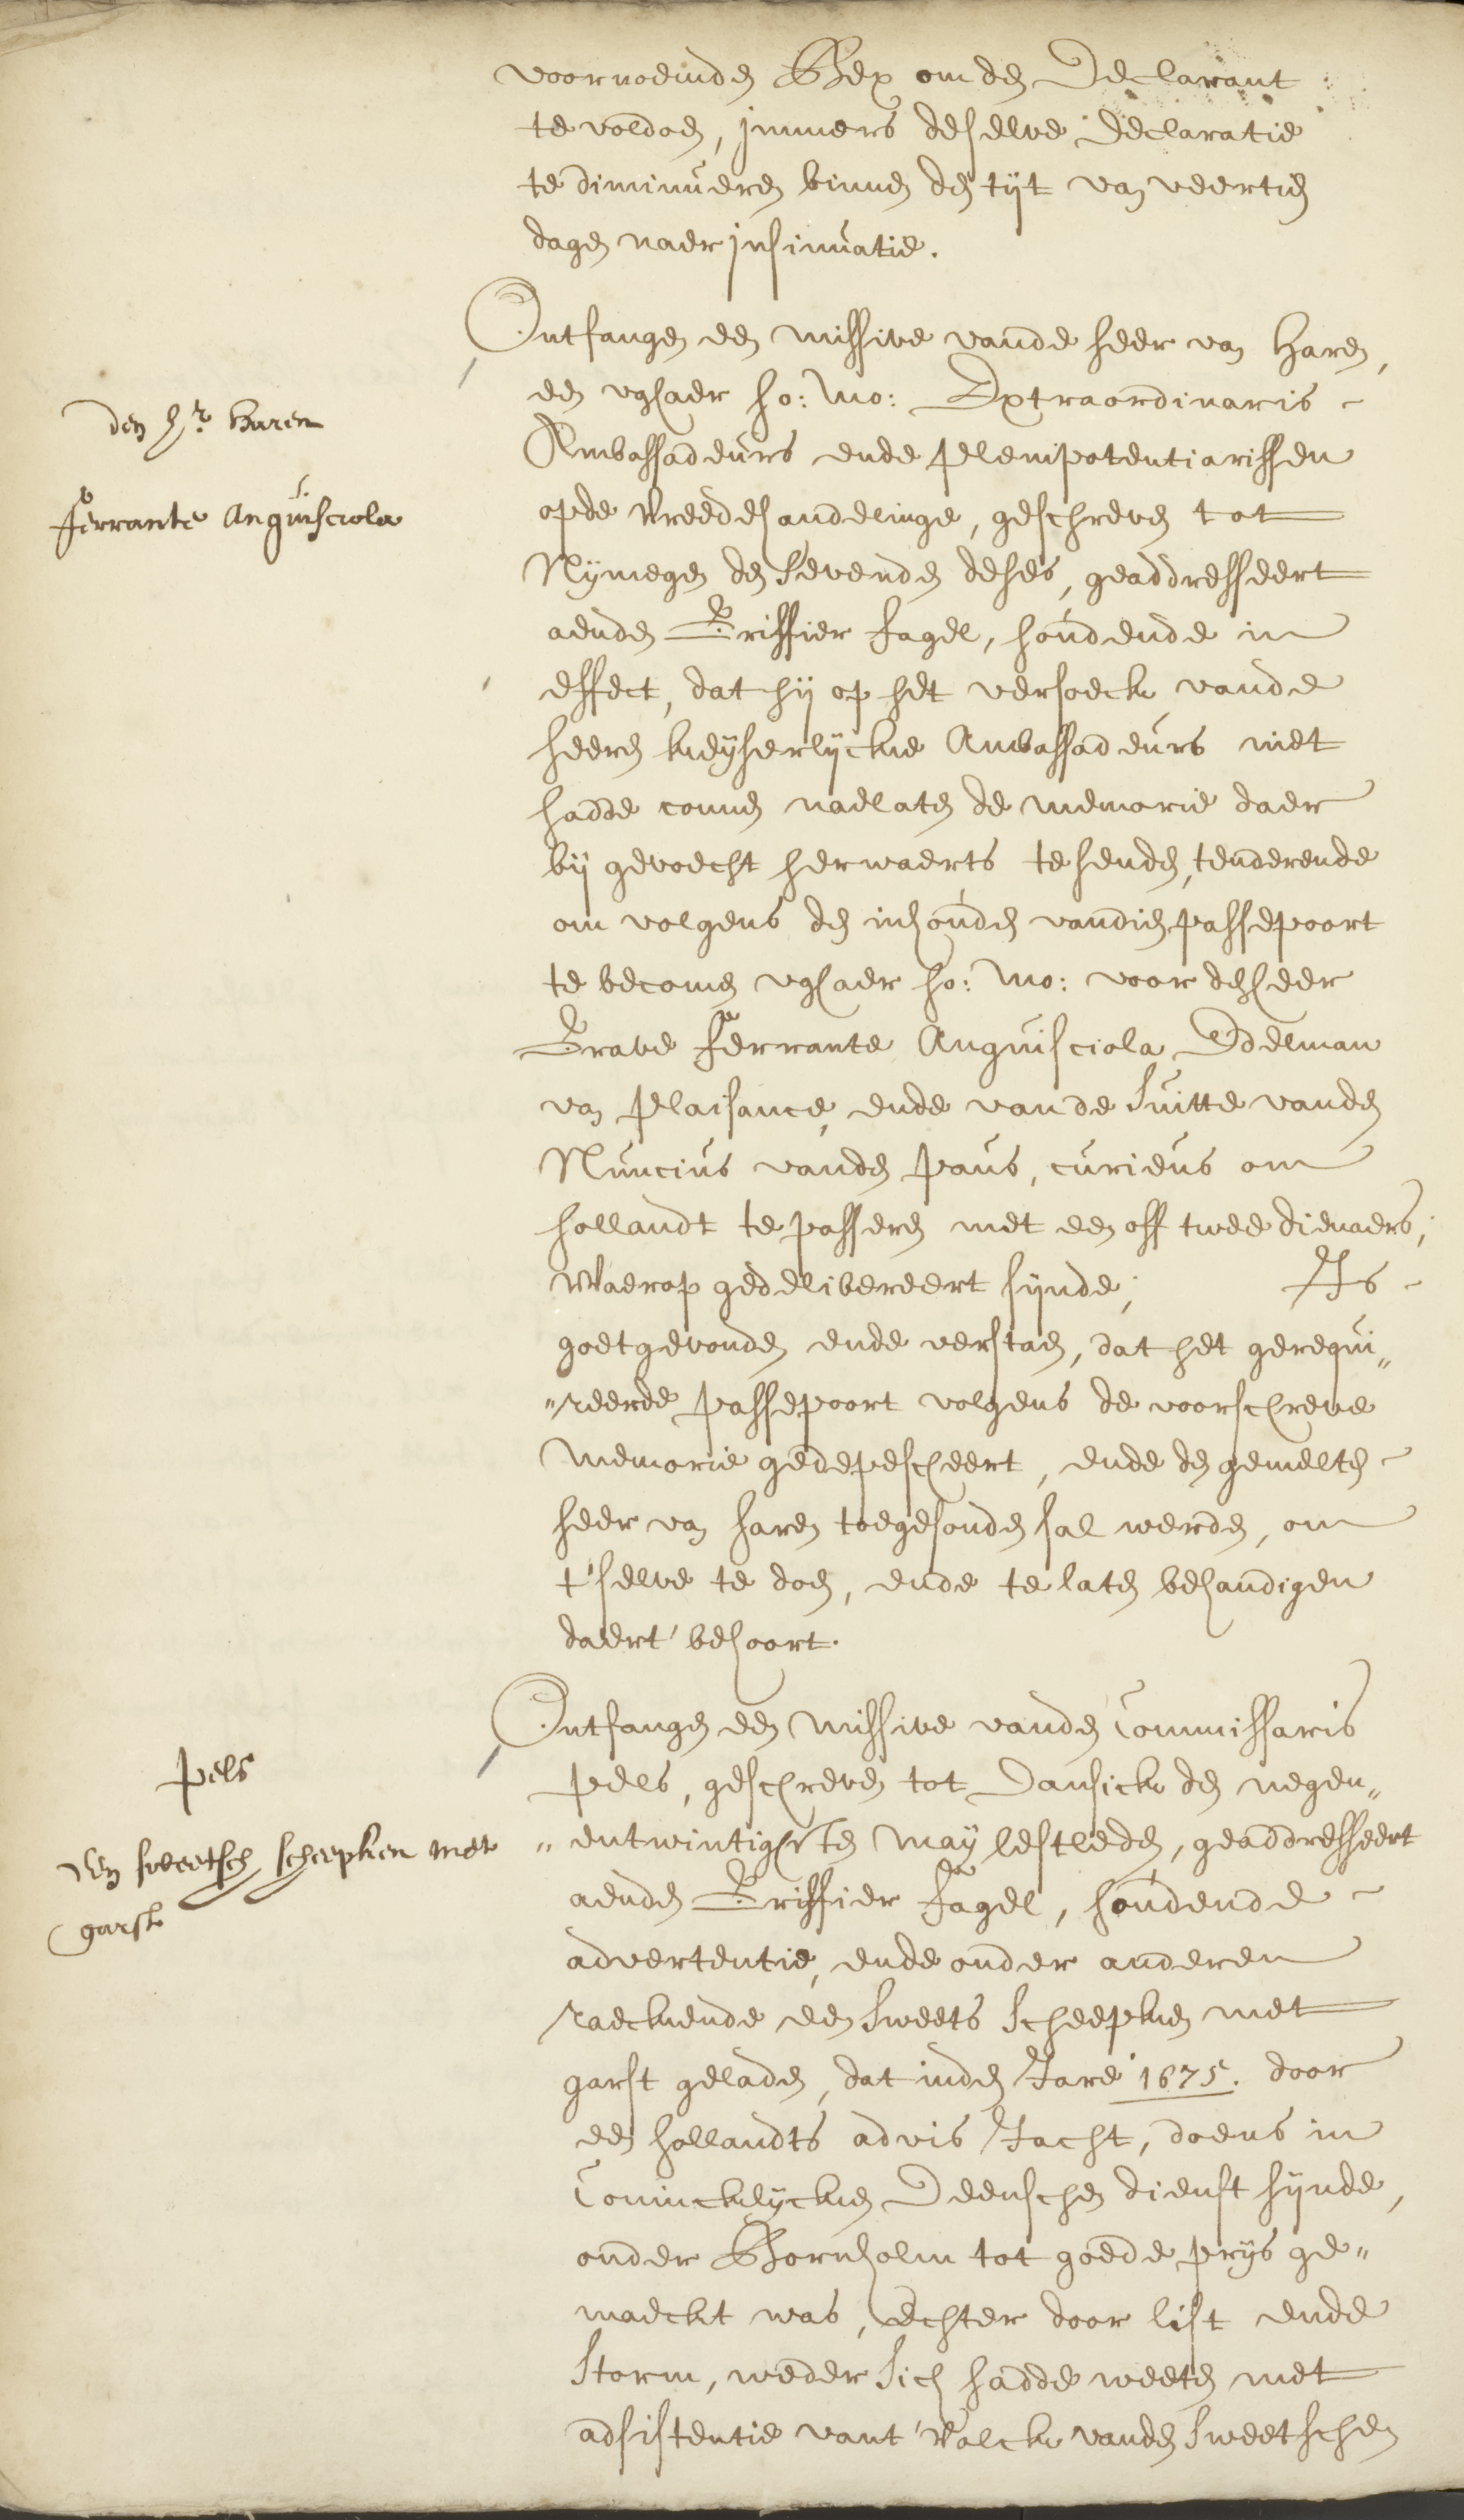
voornoemden Bex om den Declarant
te voldoen, immers deselve Declaratie
te diminueren binnen den tijt van veertien
dagen naer insinuatie.
den hr. Haren
Ferrante Anguisciola
Ontfangen een missive vande heer van Haren,
een van haer ho:Mo: Extraordinaris
Ambassadeurs ende Plenipotentiarissen
opde Vreedehandelinge, geschreven tot
Nijmegen den sevenden deses, geaddresseert
aenden Griffier Fagel, houdende in
effect, dat hij op het versoeck vande
heeren keijserlijcke Ambassadeurs niet
hadde connen naelaten de memorie daer
bij gevoecht herwaerts te senden, tenderende
om volgens den inhouden vandien passepoort
te becomen van haer ho:Mo: voor den heer
Grave Ferrante Anguisciola Edelman
van Plaisance, ende van de Suitte vanden
Nuncius vanden Paus, curieus om
hollandt te passeren met een off twee dienaers.
Waerop gedelibereert sijnde; Is
goetgevonden ende verstaen, dat het gerequi„
„reerde passepoort volgens de voorschreve
memorie gedepescheert, ende den gemelten
heer van Haren toegesonden sal werden, om
t'selve te doen, ende te laten behandigen
daert' behoort.
Pels
Een sweetsch scheepken met
garst
Ontfangen een missive vanden Commissaris
Pels, geschreven tot Dansick den negen„
„entwintighsten maij lestleden, geaddresseert
aenden Griffier Fagel, houdende
advertentie, ende onder anderen
raeckende een Sweets Scheepken met
garst geladen, dat inden Jare 1675. door
een Hollandts advis Jacht, doens in
Conincklijcken Deenschen dienst sijnde,
onder Bornholm tot goede prijs ge„
maeckt was, echter door list ende
Storm, weder Sich hadde weeten met
adsistentie vant‛ Volck vanden Sweetschen
